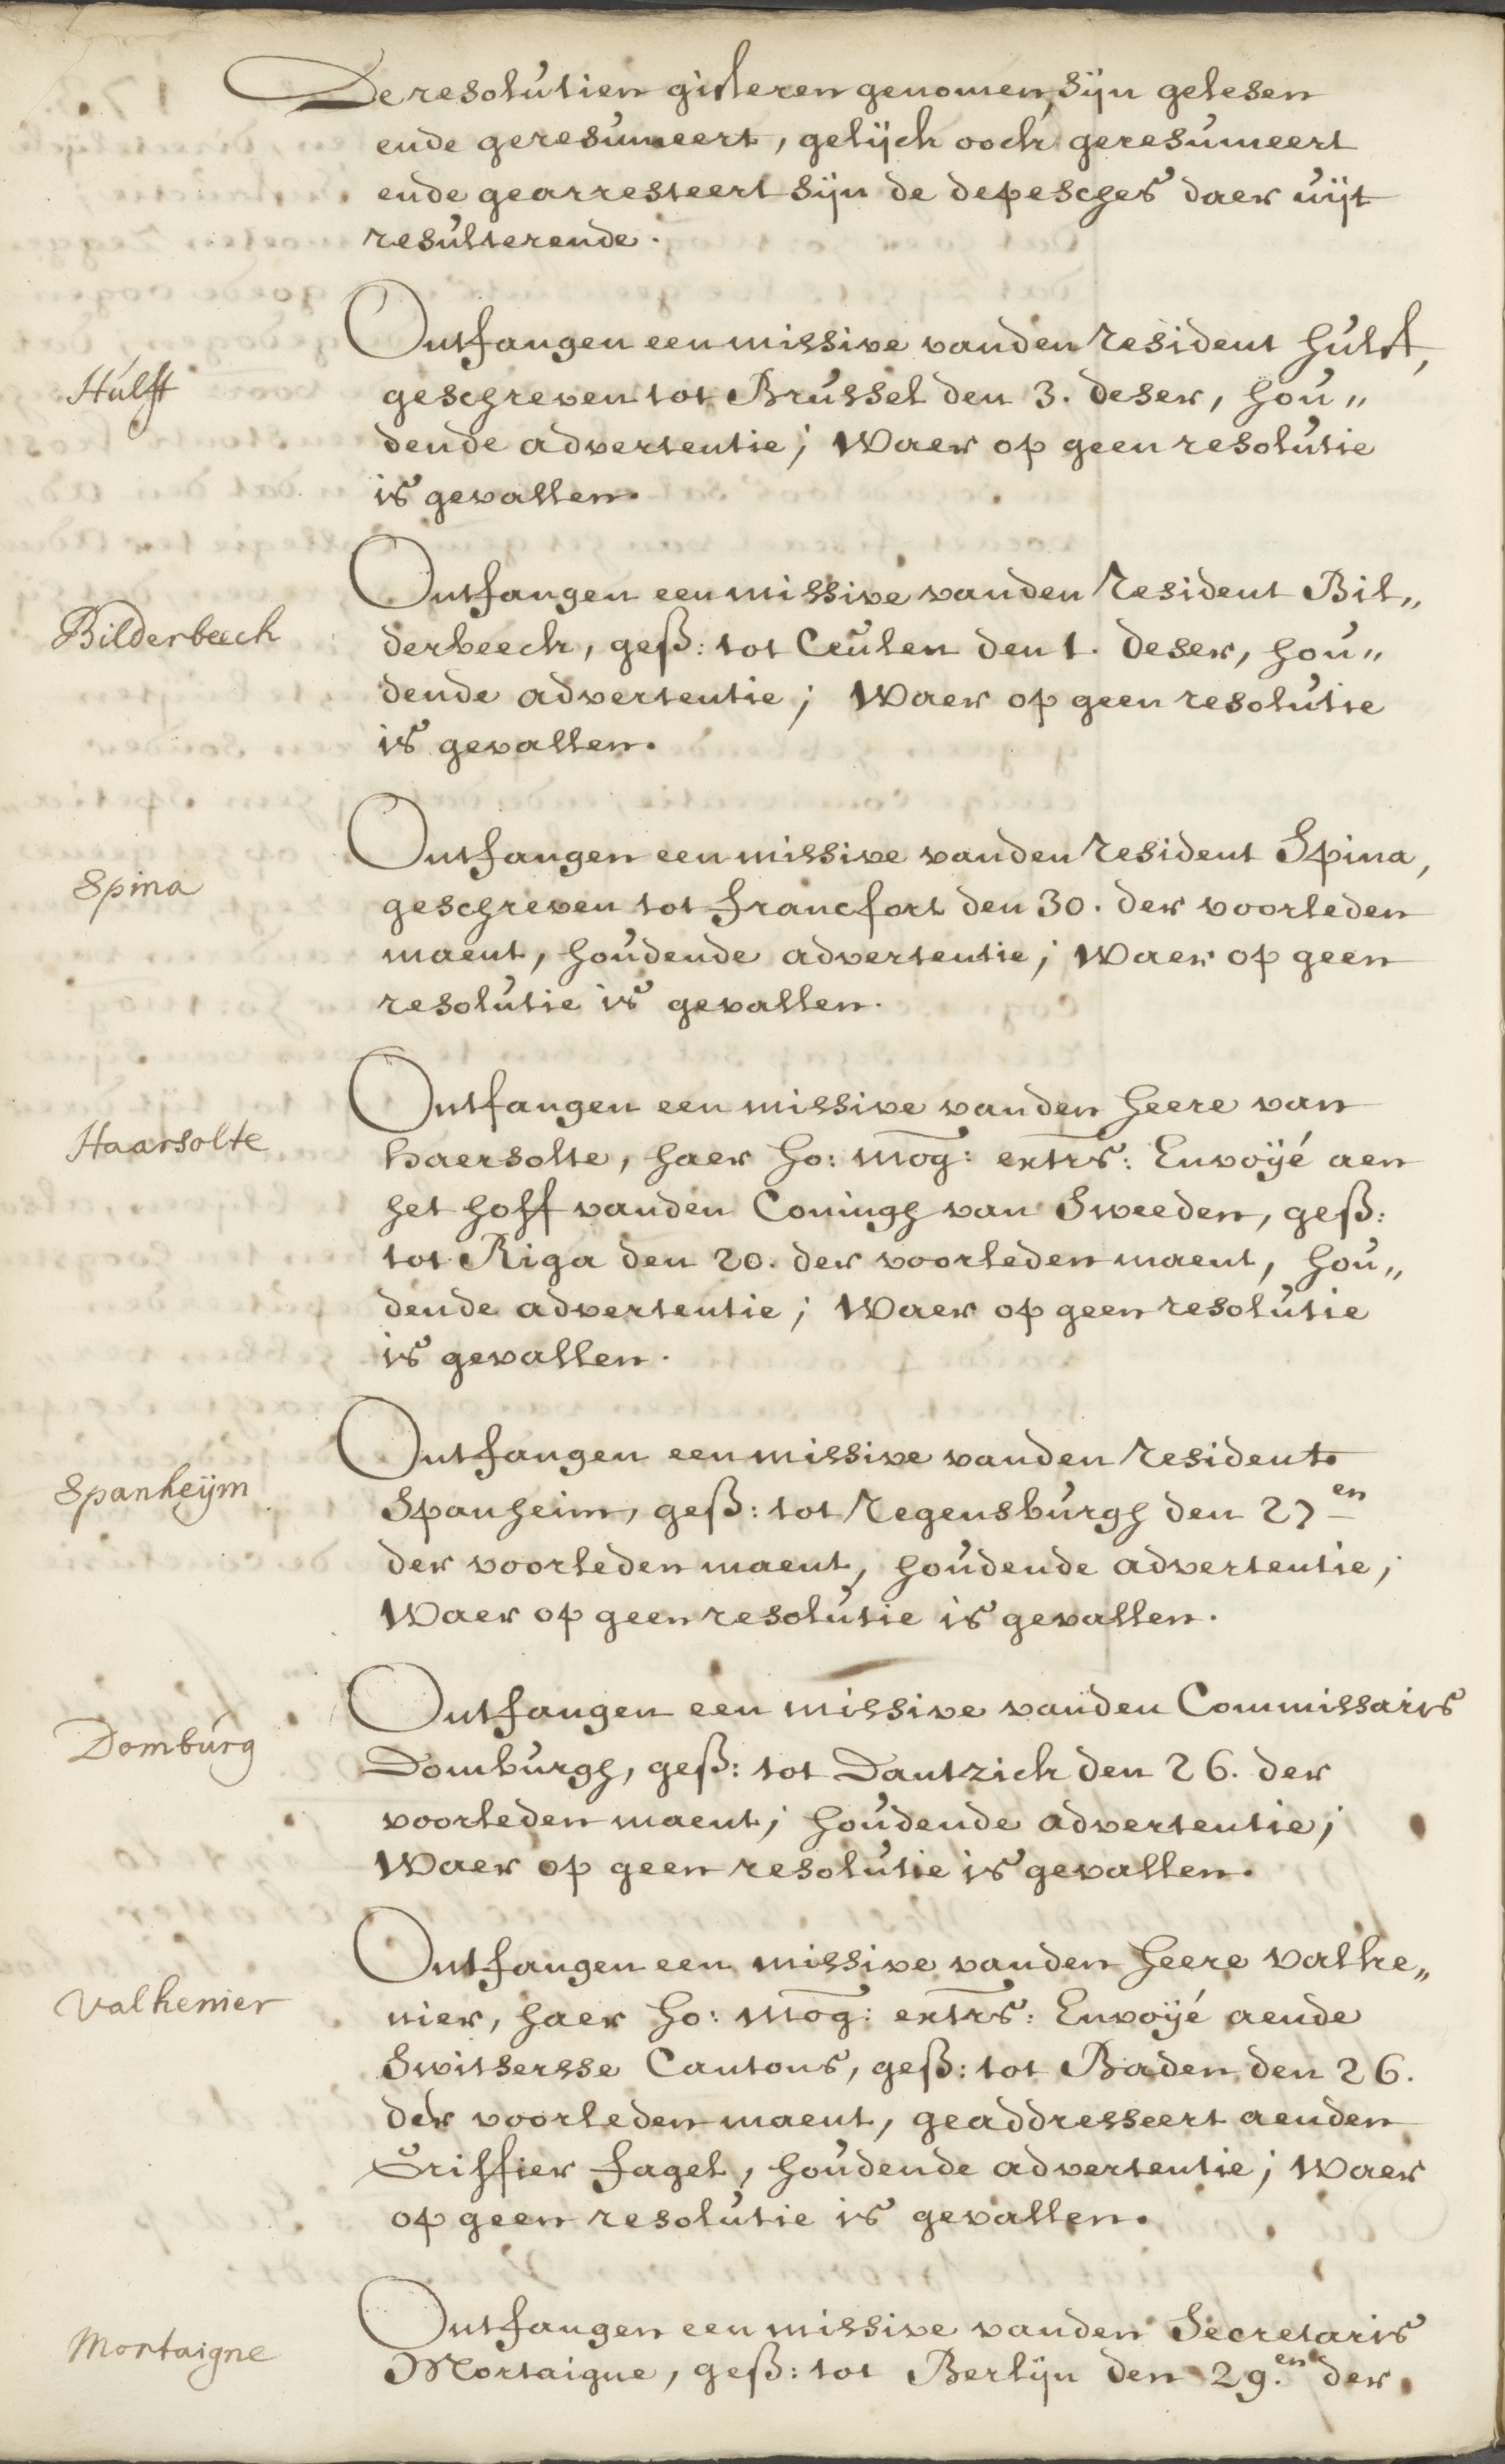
De resolutien gisteren genomen, sijn gelesen
ende geresumeert, gelijck oock geresumeert
ende gearresteert sijn de depesches daer uijt
resulterende.
Hulft
Ontfangen een missive vanden resident Hult,
geschreven tot Brussel den 3. deser, hou„
dende advertentie; Waer op geen resolutie
is gevallen.
Bilderbeeck
Ontfangen een missive vanden resident Bil„
derbeeck, ges: tot Ceulen den 1. deser, hou„
dende advertentie; Waer op geen resolutie
is gevallen.
Spina
Ontfangen een missive vanden resident Spina,
geschreven tot Francfort den 30. der voorleden
maent, houdende advertentie; Waer op geen
resolutie is gevallen.
Haarsolte
Ontfangen een missive van den heere van
Haersolte, haer Ho:Mog: extrs: Envoijé aen
het hoff vanden Coningh van Sweeden, ges:
tot Riga den 20. der voorleden maent, hou„
dende advertentie; Waer op geen resolutie
is gevallen.
Spanheijm.
Ontfangen een missive vanden resident
Spanheim, ges: tot Regensburgh den 27en
der voorleden maent, houdende advertentie;
Waer op geen resolutie is gevallen.
Domburg
Ontfangen een missive vanden Commissaris
Domburgh, ges: tot Dantzick den 26. der
voorleden maent; houdende advertentie;
Waer op geen resolutie is gevallen
Valkenier
Ontfangen een missive vanden heere Valke„
nier, haer Ho:Mog: extrs: Envoijé aende
Switsersse Cantons, ges: tot Baden den 26.
der voorleden maent, geaddresseert aenden
Griffier Fagel, houdende advertentie; Waer
op geen resolutie is gevallen.
Mortaigne
Ontfangen een missive vanden secretaris
Mortaigne, ges: tot Berlijn den 29en. der
